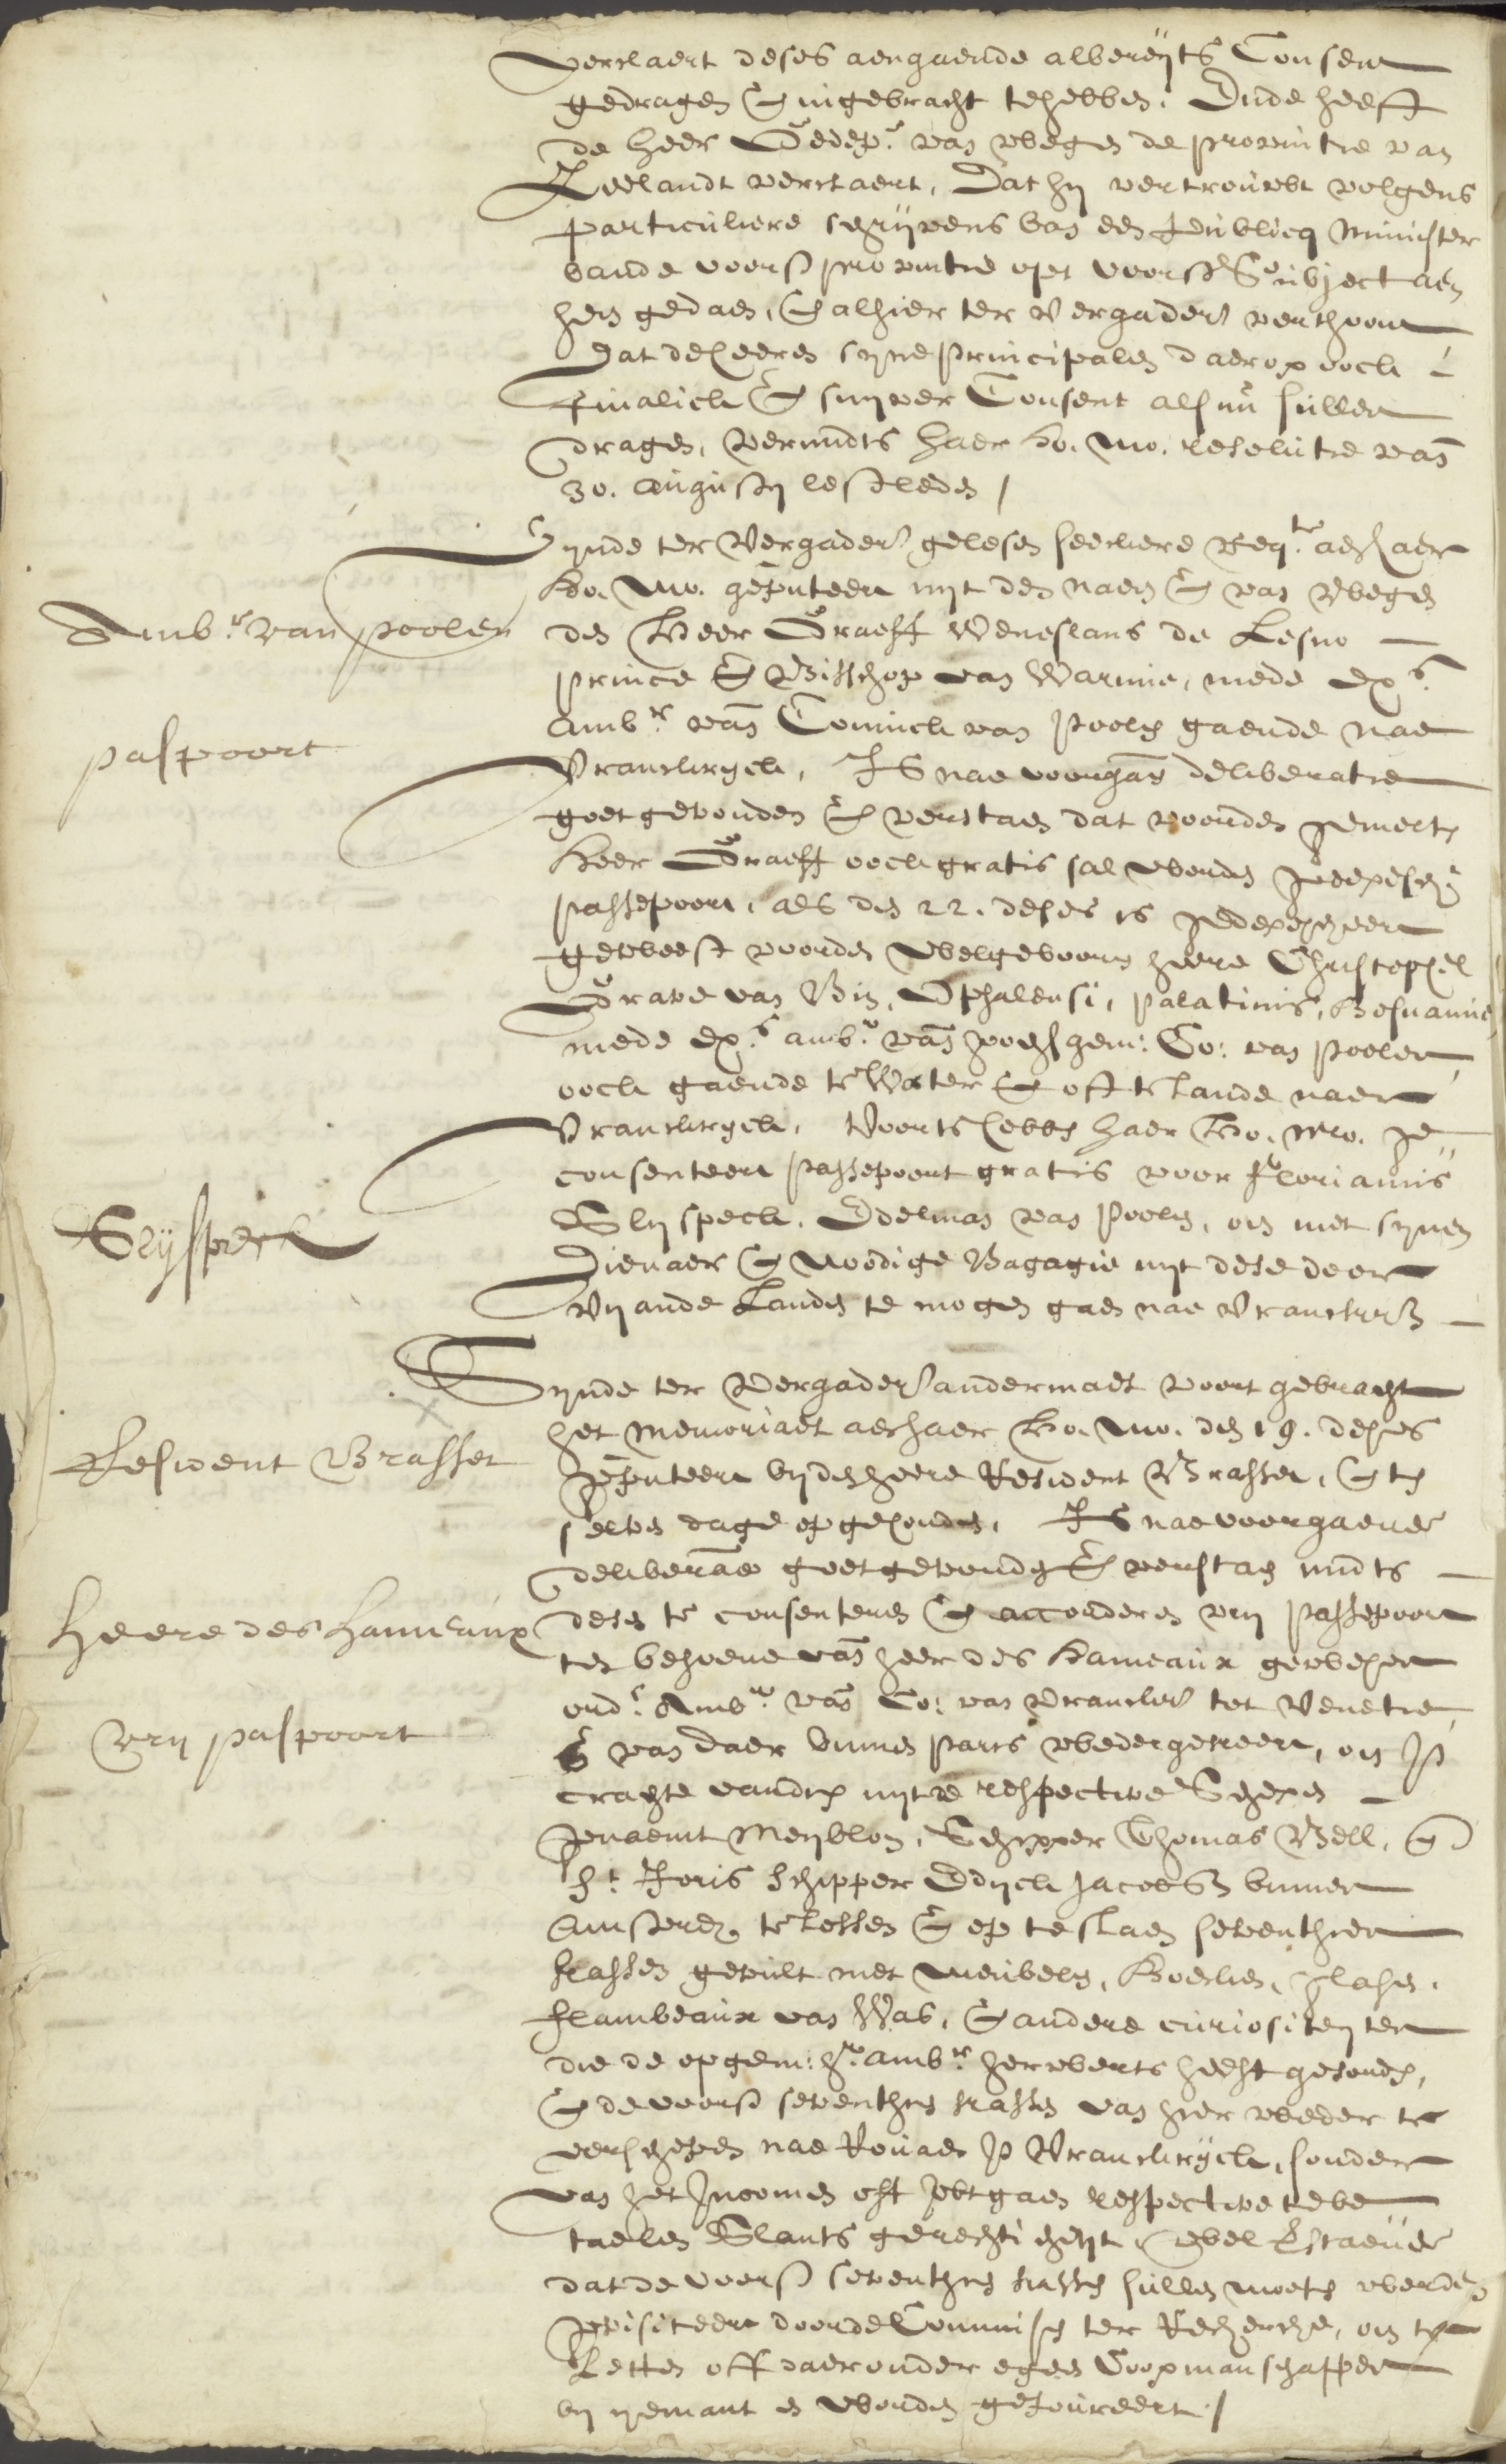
verclaert deses aengaende albereijts Consent
gedragen & ingebracht te hebben. Ende heeft
de heer Gedepe. van wegen de provintie van
Zeelandt verclaert, Dat hij vertrouwetvolgens
particuliere schrijvens van een Publicq Minister
vande voors provintie opt voors subject aen
hen gedaen, & alhier ter vergader verthoont
Dat de heeren sijne principalen daerop oock -
finalick & suijver Consent als nu sullen
dragen, vermidts haer Ho.Mo. resolutie van
30. Augusty lestleden.
Ambr. van poolen
paspoort
Slyspeck
Sijnde ter Vergader gelesen seeckere reqte. aen haer
Ho.Mo. geputeer uijt den naem & van wegen
den Heer Graeff Weneslaus de Lesno —
Prince & Bisschop van Warmie, mede Exs.
Ambr. van Coninck van Poolen gaende nae
Vranckryck. Is nae voorgaen deliberatie
goetgevonden & verstaen dat voorden gemelte
Heer Graef oock gratis sal worden gedepescht
passepoort, als den 22. deses is gedepescheert
geweest voorden welgebooren heere Christophel
Grave van Bin, Ophalensi, Palatinis, Besnanue
mede exs. ambr. van hoogh gem: Co: van Poolen,
oock gaende te Water & off te Lande naer
Vranckryck. Voorts hebben haer Ho.Mo. ge„
consenteert passepoort gratis voor Florianus
Slyspeck, Edelman van Poolen, om met sijnen
Dienaer & Noodige Bagagie uijt dese door
Vijande Landen te mogen gaen nae Vranckr ¬
Resident Brasser
Heere des Hameaux
vrij paspoort
Sijnde ter Vergader andermael voort gebracht
het memoriael aen haer Ho.Mo. den 19. deses
gepnteert by den heere Resident Brasser, & ten
selven dage op gehouden. Is nae voorgaende
deliberae goet gevonden & verstaen midts —
desen te consenteren & accorderen vrij passepoort
ten behoeve van heer des Hameaux gewesen
ords. Ambr. van Co: van Vranckr tot Venetie
& van daer binnen paris wedergekeert, om in
crachte vandien uijt de respective Schepen -
genaemt Meyblom, Schipper Thomas Bell, &
St. Joris Schipper Edyck Jacobsz binnen
Amsterdam te lossen & op te slaen seventhien
kassen gevult met Meubelen, Boecken, Glasen,
flambeaux van Was, & andere curiositeyten
die de opgem: hr. ambr. herwerts heeft gesonden,
& de voorsz seventhien kassen van hier weder te
verschepen nae Rouaen in Vranckrijck, souden
van het incomen oft wtgaen respective twee
taelen Slants gerechticheyt wel vstaende
dat de voors seventhien kasten sullen moeten werden
gevisiteert doorde Commiss ter Recherche, om te
Letten off daeronder egeen Coopmanschappen
bij yemant en worden gefoureert./
